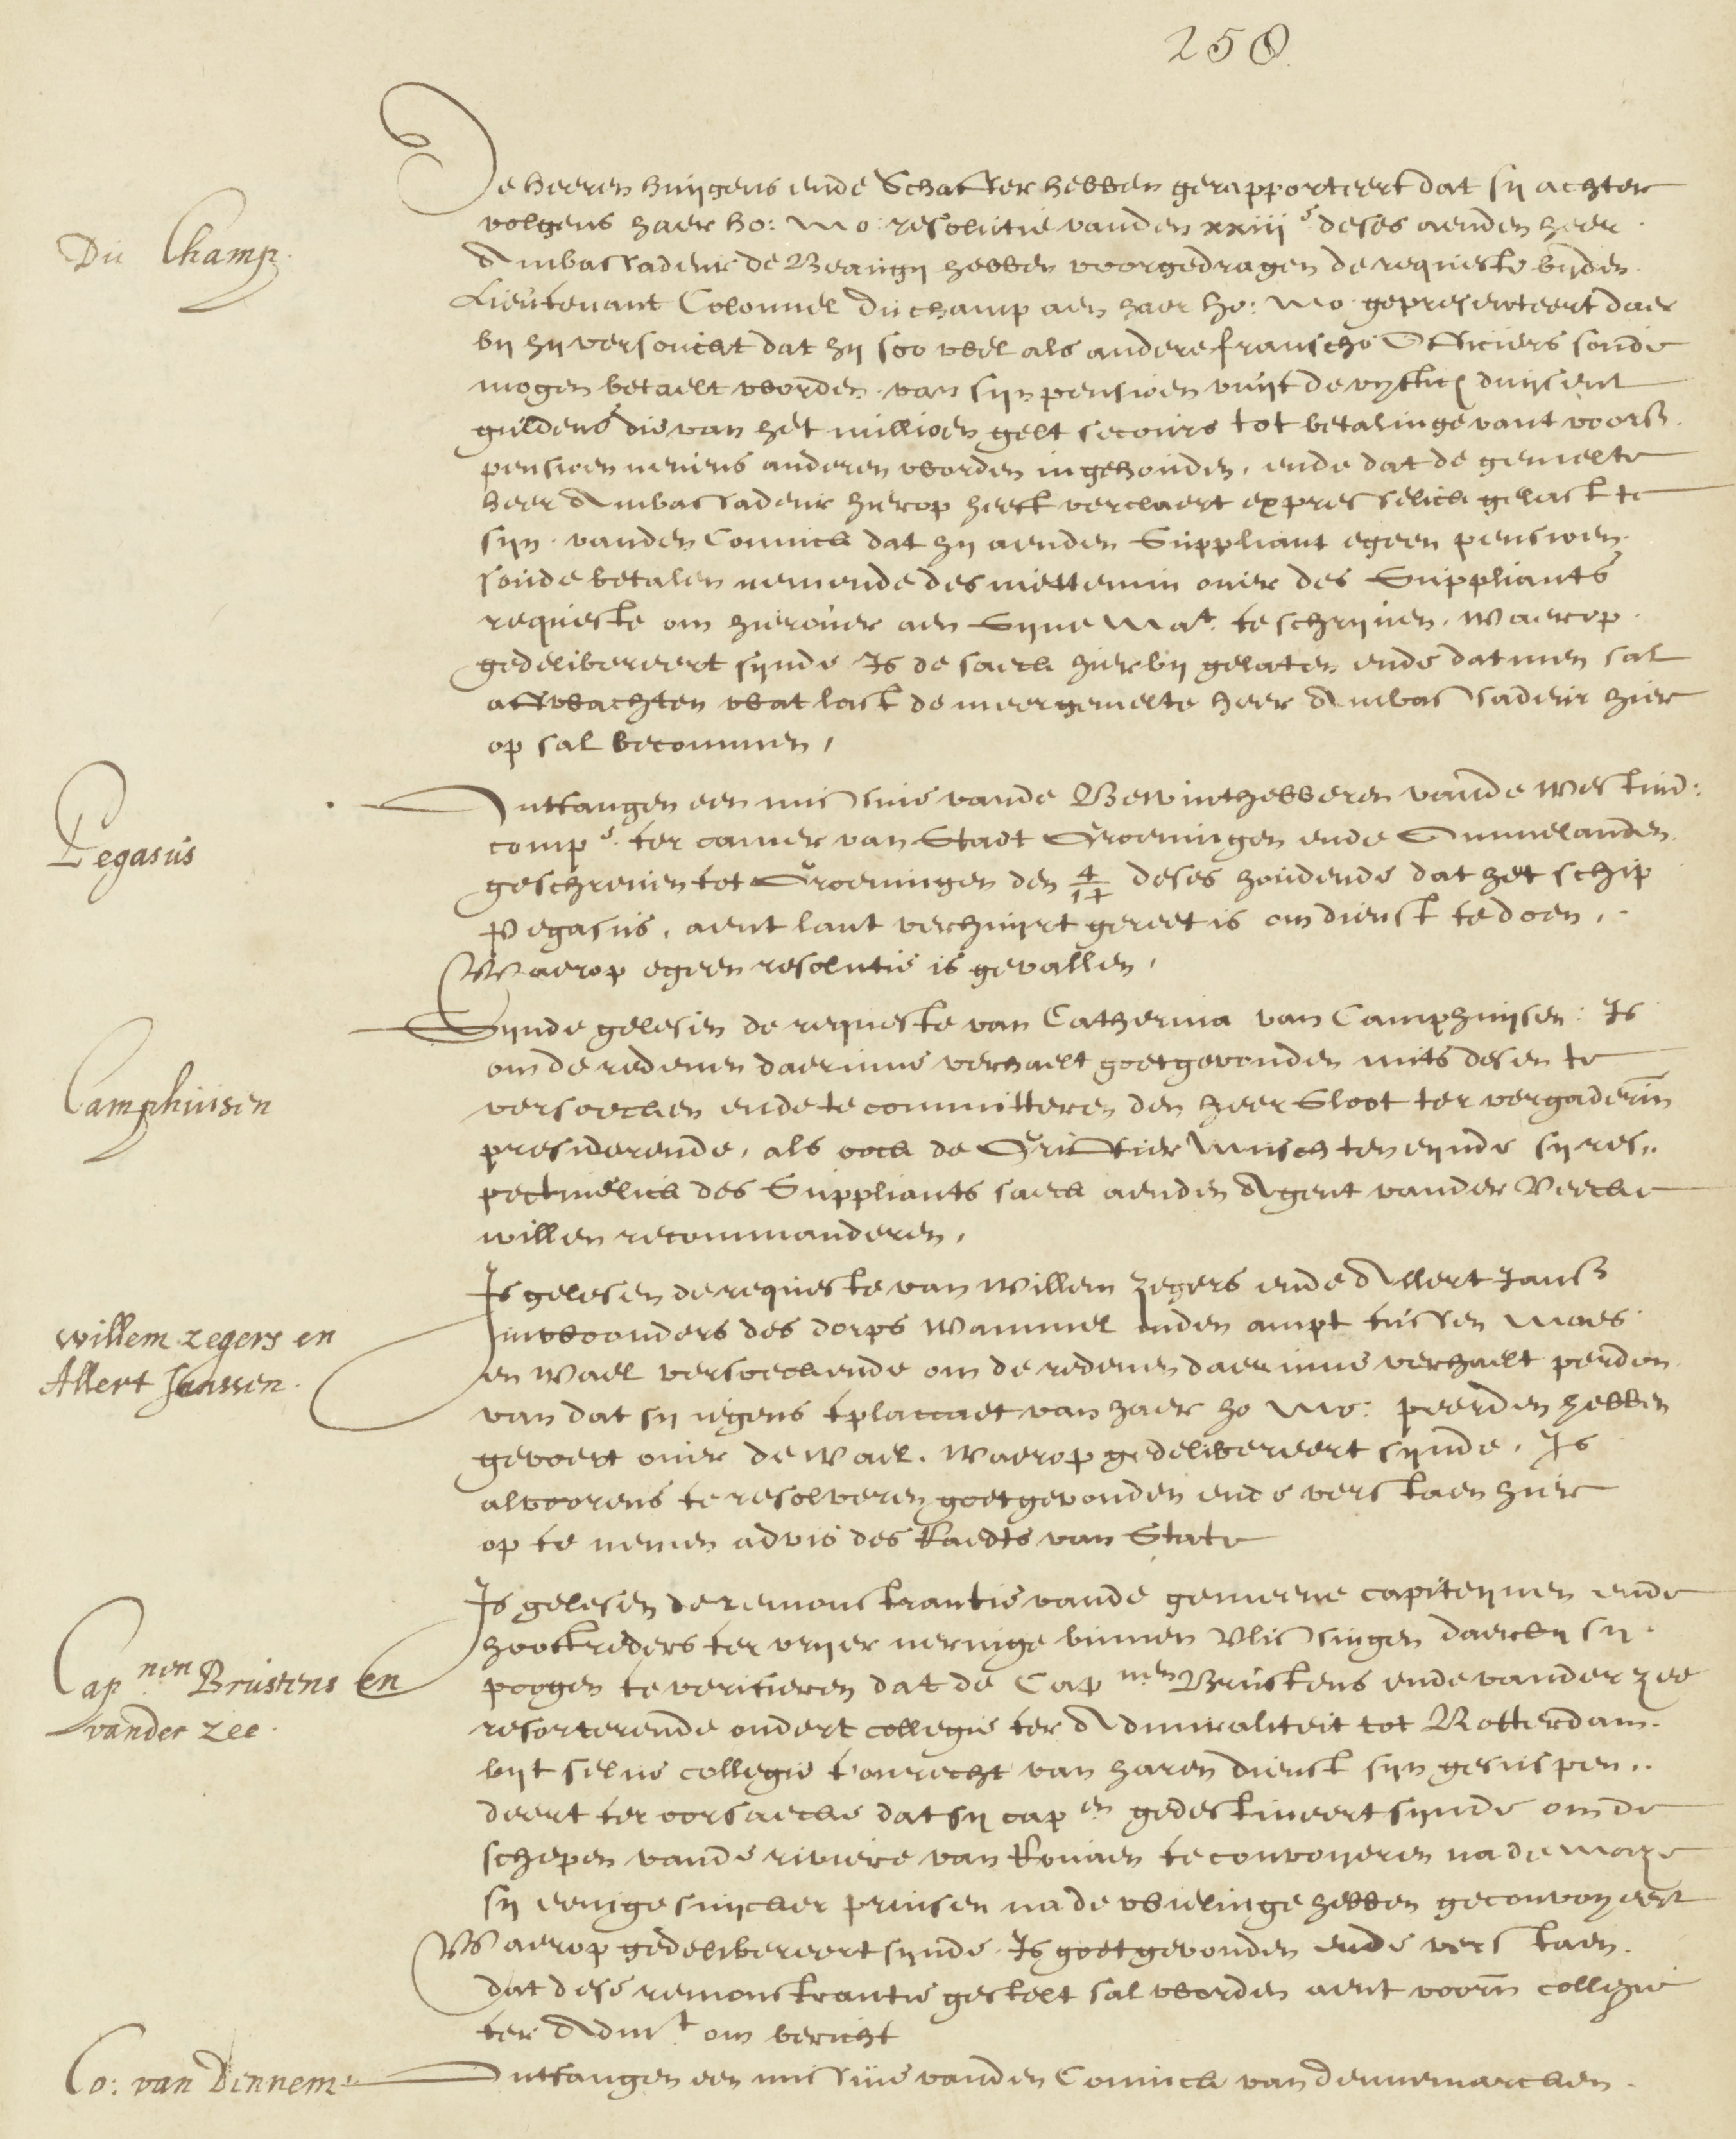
258
Du Champ.
De heeren huygens ende Schaffer hebben gerapporteert dat sy achter
volgens haer ho:Mo: resolutie vanden xxiijen deses aenden heer
Ambassadeur de Beaugy hebben voorgedragen de requeste byden
Lieutenant Colonnel Duchamp aen haer ho:Mo: gepresenteert daer
by hy versouckt dat hy soo wel als andere fransche Officiers soude
mogen betaelt worden, van syn pensioen vuyt de vyftich duysent
guldens die van het millioen gelt secours tot betalinge vant voors
pensioen neuens anderen worden ingehouden, ende dat de gemelte
heer Ambassadeur hierop heeft verclaert expresselick gelast te
syn vanden Coninck dat hy aenden Suppliant egeen pensioen
soude betalen nemende des niettemin ouer des Suppliants
requeste om hierouer aen Syne Mat. te schryven. Waerop
gedelibereert synde Is de saeck hierby gelaten ende datmen sal
affwachten wat last de meergemelte heer Ambassadeur hier
op sal becommen.
Pegasus
Ontfangen een missiue vande Bewinthebberen vande Westind:
compe ter camer van Stadt Groeningen ende Ommelanden
geschreuen tot Groeningen den 4/14 deses houdende dat het schip
Pegasus, aent lant verhuyrt gereet is om dienst te doen.
Waerop egeen resolutie is gevallen.
Camphuisen
Synde gelesen de requeste van Catherina van Camphuysen: Is
om de redenen daerinne verhaelt goetgevonden mits desen te
versoecken ende te committeren den heer Sloot ter vergaderin
presiderende, als oock de Griffier Musch ten eynde sy res„
pectiuelick des Suppliants saeck aen den Agent vander Veecke
willen recommanderen.
willem zegers en
Allert Janssen.
Is gelesen de requeste van willem zegers ende Allert Jansz
inwoonders des dorps Wammel inden ampt tussen Maes
ende Wael versoeckende om de redenen daerinne verhaelt perden
van dat sy iegens tplaccaet van haer hoMo: peerden hebben
gevoert ouer de Wael. Waerop gedelibereert synde, Is
alsvoorens te resolveren goetgevonden ende verstaen hier
op te nemen advis des Raedts van State.
Capnen Brustens en
vander zee.
Is gelesen de remonstrantie vande gemeene capiteynen ende
hooftreders ter vryer neringe binnen Vlissingen daerby sy
poogen te verifieren dat de Capnen. Brustens ende vander zee
resorterende ondert collegie ter Admiraliteit tot Rotterdam
vyt selue collegie t‛onrecht van haren dienst syn gesuspen„
deert ter oorsaecke dat sy capen. gedestineert synde om de
schepen vande riviere van Rouaen te convoyeren na de Maze
sy eenige suycker pruisen na de Wielinge hebben geconvoyeert
Waerop gedelibereert synde, Is goetgevonden ende verstaen
dat dese remonstrantie gestelt sal worden aent voorn collegie
ter Admt om bericht
Co: van Dennem
Ontfangen een missiue vanden Coninck van Dennemarcken
